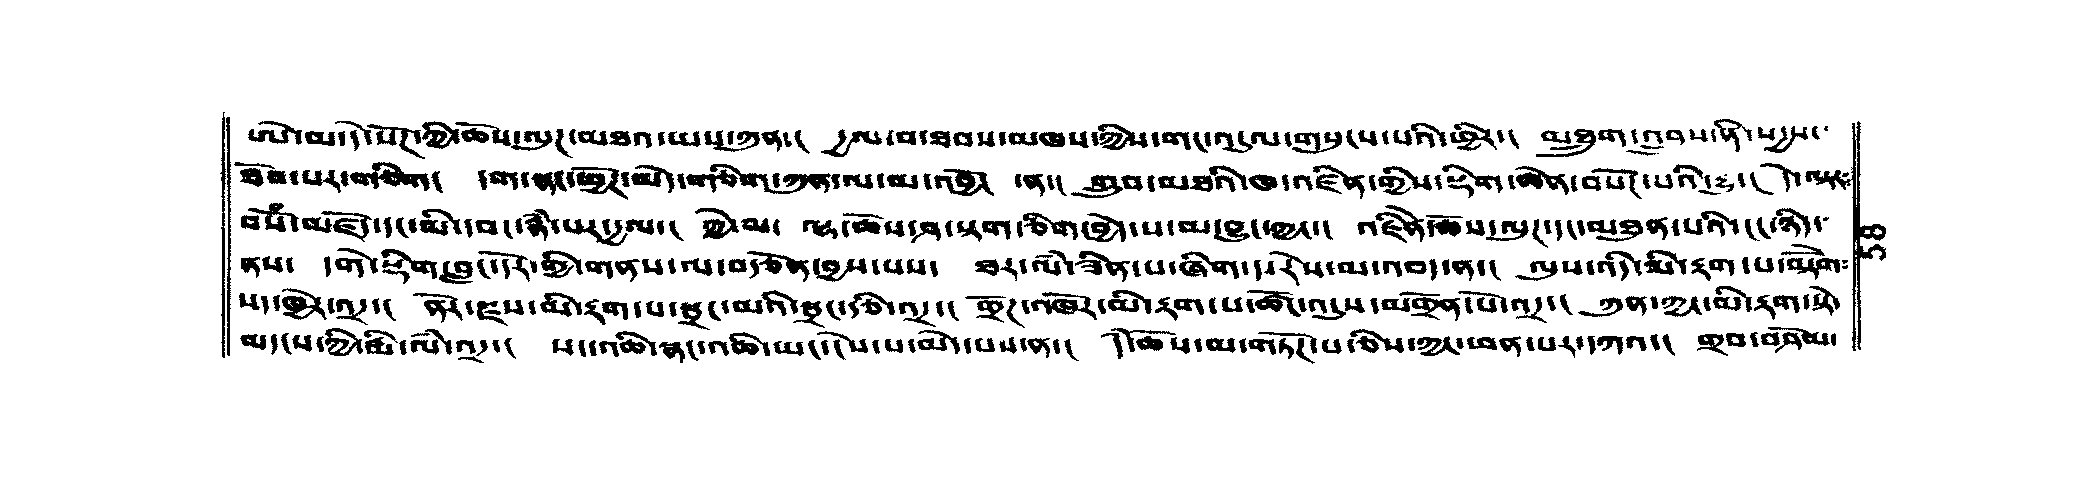ཨེ་མ་དེ་སོགས་ཀྱི་ཆོས་ལུགས་མཐའ་ཡས་ཀུན། །རྒྱལ་བ་ཐབས་མཁས་ཀྱིས་གང་འདུལ་གསུངས་པའི་ཕྱིར། །མཐར་ཐུག་འབྲས་བུ་ནི་སངས་རྒྱས་
ཐོབ་པ་གཅིག །དག་སྣང་ཕྱོགས་མེད་གཅིག་ཀུན་ལ་མ་འབྱོངས་ན། །གྲུབ་མཐའི་ཁ་འཛིན་གྱིས་སྡིག་ཆེན་བསོག་པའི་རྒྱུ། །དེ་ལྟར་
སོམས་མཛོད་དང་མི་དབང་རྣམ་པར་རྒྱལ། ཀྱེ་མ། ལྷ་ཆོས་ཤ་སྟག་ཅིག་བྱེད་པ་མ་བྱུང་ན། །འཇིག་རྟེན་ཆོས་ལུགས་དང་མཐུན་པའི་ངང་ཉིད་
ནས། །དགེ་སྡིག་བླང་དོར་གྱི་གནས་ལ་བརྩོན་བྱས་པས། །ཐར་ལམ་ཟིན་པ་ཞིག་ད་རེས་མ་འབད་ན། །ལུས་འདི་མི་རྟག་པ་མེ་ཏོག་
སད་ཁྱེར་འདྲ། །ནོར་རྫས་མི་རྟག་པ་སྦྲང་མའི་སྦྲང་རྩི་འདྲ། །གྲོགས་འཁོར་མི་རྟག་པ་ཚོང་འདུས་མགྲོན་པོ་འདྲ། །ཀུན་ཀྱང་མི་རྟག་སྟེ་
མདངས་ཀྱི་རྨི་ལམ་འདྲ། །སང་འཆི་གནངས་འཆི་ཡང་ངེས་པ་མེད་པས་ན། །དམ་ཆོས་མ་གཏོགས་པ་ཅིས་ཀྱང་ཕན་པར་དཀའ། །གྲབ་བཤོམ་